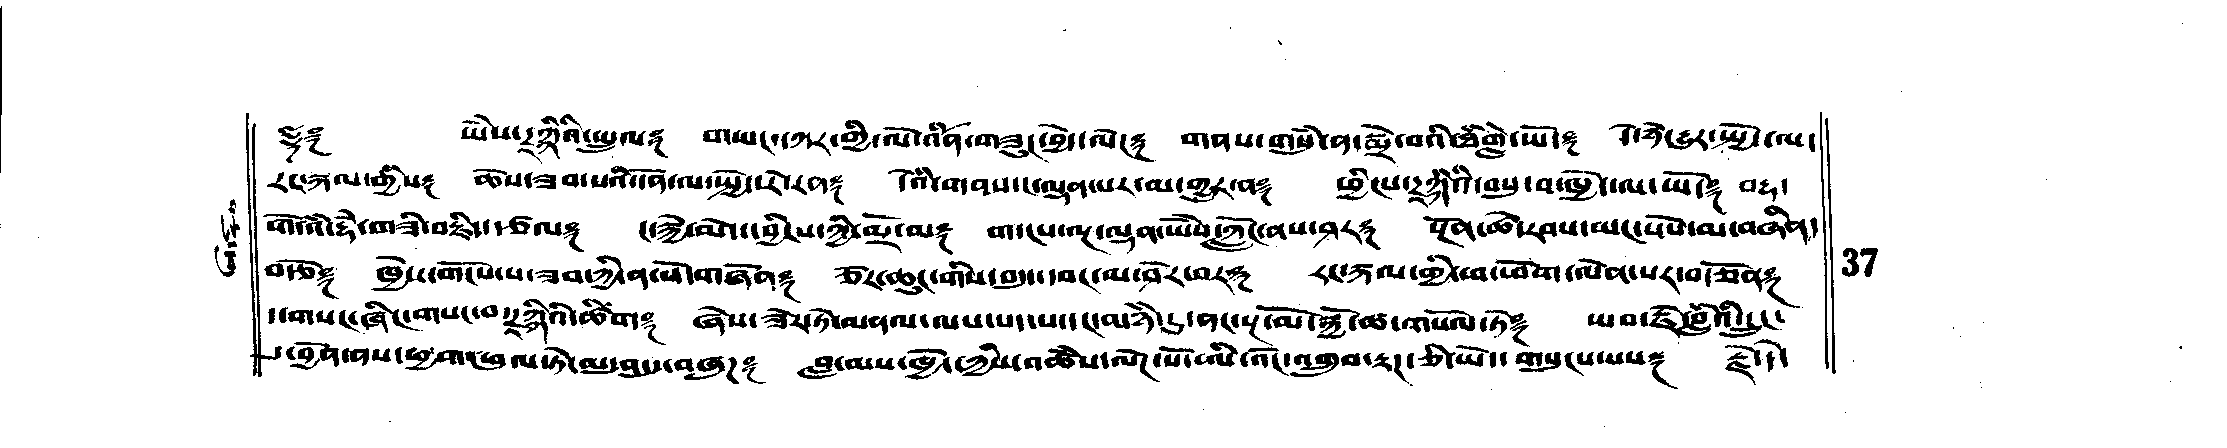ཡེ་ཤེས་ཌཱཀྐིའི་སྤྲུལ། །གཡང་དཀར་གྱི་ལོ་འཛིན་གཟུགས་བྱེད་ལེགས། །གནས་གསུམ་ན་སྨྲེ་བའི་ཐིག་ལེ་ཡོད། །དེ་ཉེ་རྒྱུར་སྤྱོད་ལ་
རང་སྐལ་གྱི། །ཆོས་ཟབ་པའི་དོན་ལ་སྤྱོད་རེ་རན། །དེའི་གནས་དང་ལྡན་པར་མ་གྱུར་ན། །དབྱིངས་ཌཱཀྐིའི་བསུ་བ་ཁྱོད་ལ་ཡོད། །བརྡ་
གོ་འམ་རྡོ་རྗེ་གཟི་བརྗིད་རྩལ། །ང་སྐྱེ་མེད་དབྱིངས་ཀྱི་མཁའ་འགྲོ་མ། །གདངས་ལྔ་ལྡན་ཡེ་ཤེས་ཀློང་ནས་ཤར། །སྔོན་ཚེ་རབས་མང་པོས་མ་བཞིན་
བརྩེ། ཁྱེད་དགོངས་པ་ཟབ་ཀྱི་ན་སོ་གཞོན། །ཅོར་ཆུང་གིས་བདུད་དབང་མ་ཤོར་བར། །རང་སྐལ་གྱི་ཕ་ཕོག་ལེན་པར་བརྩོན། །
ད་གསང་ཞིག་གསང་བ་ཌཱཀྐིའི་ཚིག།ཞེས་ཟེར་ཏེ་མནལ་ལས་སད་པ་དང་མཉམ་དུ་ནང་སྔ་མོ་སྐྱོ་ཚ་གསོལ་ཏེ། ཡབ་རྗེ་བླ་མའི་དྲུང་
དུ་བྱོན་ནས་ཕྱག་ཕུལ་ཏེ་མདུན་དུ་བཞུགས། བླ་མས་ཁྱོད་ཀྱིས་མཚམས་ལེགས་པོ་ཨི་འོང་འགྲུབ་རྟགས་ཅི་ཡོད་གསུངས་པས། རྗེ་དེ་